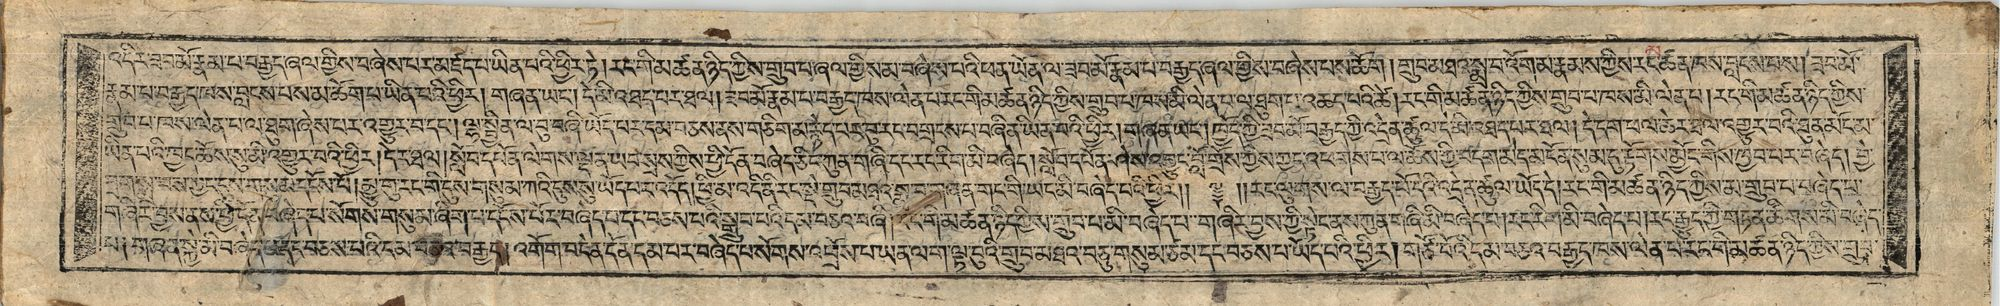འདིར་ཟབ་མོ་རྣམ་པ་བརྒྱད་ཞལ་གྱིས་བཞེས་པར་མཛད་པ་ཡིན་པའི་ཕྱིར་ཏེ། རང་གི་མཚན་ཉིད་ཀྱིས་གྲུབ་པ་ཞལ་གྱིས་མ་བཞེས་པའི་ཕན་ཡོན་ལ་ཟབ་མོ་རྣམ་པ་བརྒྱད་ཞལ་གྱིས་བཞེས་པས་ཆོག །གྲུབ་མཐའ་སྨྲ་བ་འོག་མ་རྣམས་ཀྱིས་རང་མཚན་ཁས་བླངས་པས། ཟབ་མོ་
རྣམ་པ་བརྒྱད་ཁས་བླངས་པས་མ་ཆོག་པ་ཡིན་པའི་ཕྱིར། གཞན་ཡང་། དེ་མི་འཐད་པར་ཐལ། ཟབ་མོ་རྣམ་པ་བརྒྱད་ཁས་ལེན་པ་རང་གི་མཚན་ཉིད་ཀྱིས་གྲུབ་པ་ཁས་མི་ལེན་པ་ལ་ཐུག་པ་འཆད་པའི་ཚེ། རང་གི་མཚན་ཉིད་ཀྱིས་གྲུབ་པ་ཁས་མི་ལེན་པ། རང་གི་མཚན་ཉིད་ཀྱིས་
གྲུབ་པ་ཁས་ལེན་པ་ལ་ཐུག་ཞེས་པར་འགྱུར་བ་དང་། ལྷ་སྦྱིན་ལ་བུ་བཞི་ཡོད་པར་དམ་བཅས་ནས་གཅིག་མ་རྙེད་པར་བུ་རང་བགྲངྶྤ་བཞིན་ཡིན་པའི་ཕྱིར། གཞན་ཡང་། ཁྱོད་ཀྱི་ཟབ་མོ་བརྒྱད་ཀྱི་འདྲེན་ཚུལ་དེ་མི་འཐད་པར་ཐལ། དེ་དག་ཕལ་ཆེར་ཐལ་འགྱུར་བའི་ཐུན་མོང་མ་
ཡིན་པའི་ཁྱད་ཆོས་སུ་མི་འགྱུར་བའི་ཕྱིར། དེར་ཐལ། སློབ་དཔོན་ལེགས་ལྡན་ཡབ་སྲས་ཀྱིས་ཕྱི་དོན་བཞེད་ཅིང་ཀུན་གཞི་དང་རང་རིག་མི་བཞེད། སློབ་དཔོན་ཤེས་འབྱུང་བློ་གྲོས་ཀྱིས་ཀྱང་འཕགས་པ་ལ་ཆོས་ཀྱི་བདག་མེད་མངོན་སུམ་དུ་རྟོགས་མྱོང་གིས་ཁྱབ་པར་བཞེད། བྱེ་
བྲག་སྨྲ་བས་ཀྱང་དུས་གསུམ་དངོས་པོ། མྱུ་གུ་རང་གི་དུས་གསུམ་ཀའི་དུས་སུ་ཡོད་པར་འདོད། ཕྱི་མ་འདི་ནི་རང་སྡེ་གྲུབ་མཐའ་སྨྲ་བ་གཞན་གང་གི་ཡང་མི་བཞེད་པའི་ཕྱིར།། ༈ །།རང་ལུགས་ལ་བརྒྱད་པོ་དེའི་འདྲེན་ཚུལ་ཡོད་དེ། རང་གི་མཚན་ཉིད་ཀྱིས་མ་གྲུབ་པ་བཞེད་པ་
གཞིར་བྱས་ནས་ཕྱི་དོན་བཞེད་པ་སོགས་གསུམ་ཞིག་པ་དངོས་པོར་བཞེད་པ་དང་བཅས་པའི་སྒྲུབ་པའི་དམ་བཅའ་བཞི། རང་གི་མཚན་ཉིད་ཀྱིས་གྲུབ་པ་མི་བཞེད་པ་གཞིར་བྱས་ཀྱི་སྟེང་ནས་ཀུན་གཞི་མི་བཞེད་པ། རང་རིག་མི་བཞེད་པ། རང་རྒྱུད་ཀྱི་གཏན་ཚིགས་མི་བཞེད་
པ༑ གཞན་སྐྱེ་མི་བཞེད་པ་དང་བཅས་པའི་དམ་བཅའ་བརྒྱད། འགོག་བདེན་དོན་དམ་པར་བཞེད་པ་སོགས་འཕྲོས་པ་ཡན་ལག་ལྟ་བུའི་གྲུབ་མཐའ་བཅུ་གསུམ་ཙམ་དང་བཅས་པ་ཡོད་པའི་ཕྱིར། གཙོ་བོའི་དམ་བཅའ་བརྒྱད་ཁས་ལེན་པ་རང་གི་མཚན་ཉིད་ཀྱིས་གྲུབ་